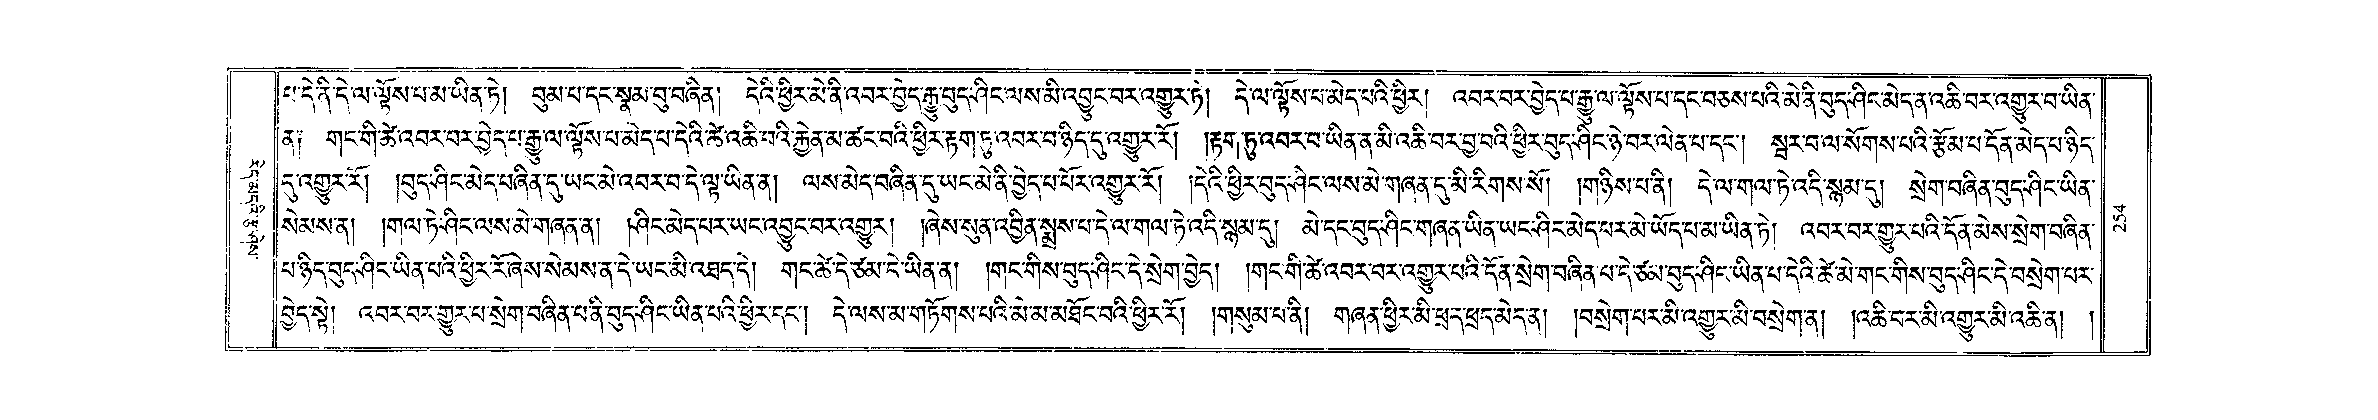པ་དེ་ནི་དེ་ལ་ལྟོས་པ་མ་ཡིན་ཏེ། བུམ་པ་དང་སྣམ་བུ་བཞིན། དེའི་ཕྱིར་མེ་ནི་འབར་བྱེད་རྒྱུ་བུད་ཤིང་ལས་མི་འབྱུང་བར་འགྱུར་ཏེ། དེ་ལ་ལྟོས་པ་མེད་པའི་ཕྱིར། འབར་བར་བྱེད་པ་རྒྱུ་ལ་ལྟོས་པ་དང་བཅས་པའི་མེ་ནི་བུད་ཤིང་མེད་ན་འཆི་བར་འགྱུར་བ་ཡིན་
ན༑ གང་གི་ཚེ་འབར་བར་བྱེད་པ་རྒྱུ་ལ་ལྟོས་པ་མེད་པ་དེའི་ཚེ་འཆི་བའི་རྐྱེན་མ་ཚང་བའི་ཕྱིར་རྟག་ཏུ་འབར་བ་ཉིད་དུ་འགྱུར་རོ། །རྟག་ཏུ་འབར་བ་ཡིན་ན་མི་འཆི་བར་བྱ་བའི་ཕྱིར་བུད་ཤིང་ཉེ་བར་ལེན་པ་དང་། སྦར་བ་ལ་སོགས་པའི་རྩོམ་པ་དོན་མེད་པ་ཉིད་
དུ་འགྱུར་རོ། །བུད་ཤིང་མེད་བཞིན་དུ་ཡང་མེ་འབར་བ་དེ་ལྟ་ཡིན་ན། ལས་མེད་བཞིན་དུ་ཡང་མེ་ནི་བྱེད་པ་པོར་འགྱུར་རོ། །དེའི་ཕྱིར་བུད་ཤིང་ལས་མེ་གཞན་དུ་མི་རིགས་སོ། །གཉིས་པ་ནི། དེ་ལ་གལ་ཏེ་འདི་སྙམ་དུ། སྲེག་བཞིན་བུད་ཤིང་ཡིན་
སེམས་ན། །གལ་ཏེ་ཤིང་ལས་མེ་གཞན་ན། །ཤིང་མེད་པར་ཡང་འབྱུང་བར་འགྱུར། །ཞེས་སུན་འབྱིན་སྨྲས་པ་དེ་ལ་གལ་ཏེ་འདི་སྙམ་དུ། མེ་དང་བུད་ཤིང་གཞན་ཡིན་ཡང་ཤིང་མེད་པར་མེ་ཡོད་པ་མ་ཡིན་ཏེ། འབར་བར་གྱུར་པའི་དོན་མེས་སྲེག་བཞིན་
པ་ཉིད་བུད་ཤིང་ཡིན་པའི་ཕྱིར་རོ་ཞེས་སེམས་ན་དེ་ཡང་མི་འཐད་དེ། གང་ཚེ་དེ་ཙམ་དེ་ཡིན་ན། །གང་གིས་བུད་ཤིང་དེ་སྲེག་བྱེད། །གང་གི་ཚེ་འབར་བར་འགྱུར་བའི་དོན་སྲེག་བཞིན་པ་དེ་ཙམ་བུད་ཤིང་ཡིན་པ་དེའི་ཚེ་མེ་གང་གིས་བུད་ཤིང་དེ་བསྲེག་པར་
བྱེད་སྟེ། འབར་བར་གྱུར་པ་སྲེག་བཞིན་པ་ནི་བུད་ཤིང་ཡིན་པའི་ཕྱིར་དང་། དེ་ལས་མ་གཏོགས་པའི་མེ་མ་མཐོང་བའི་ཕྱིར་རོ། །གསུམ་པ་ནི། གཞན་ཕྱིར་མི་ཕྲད་ཕྲད་མེད་ན། །བསྲེག་པར་མི་འགྱུར་མི་བསྲེག་ན། །འཆི་བར་མི་འགྱུར་མི་འཆི་ན། །